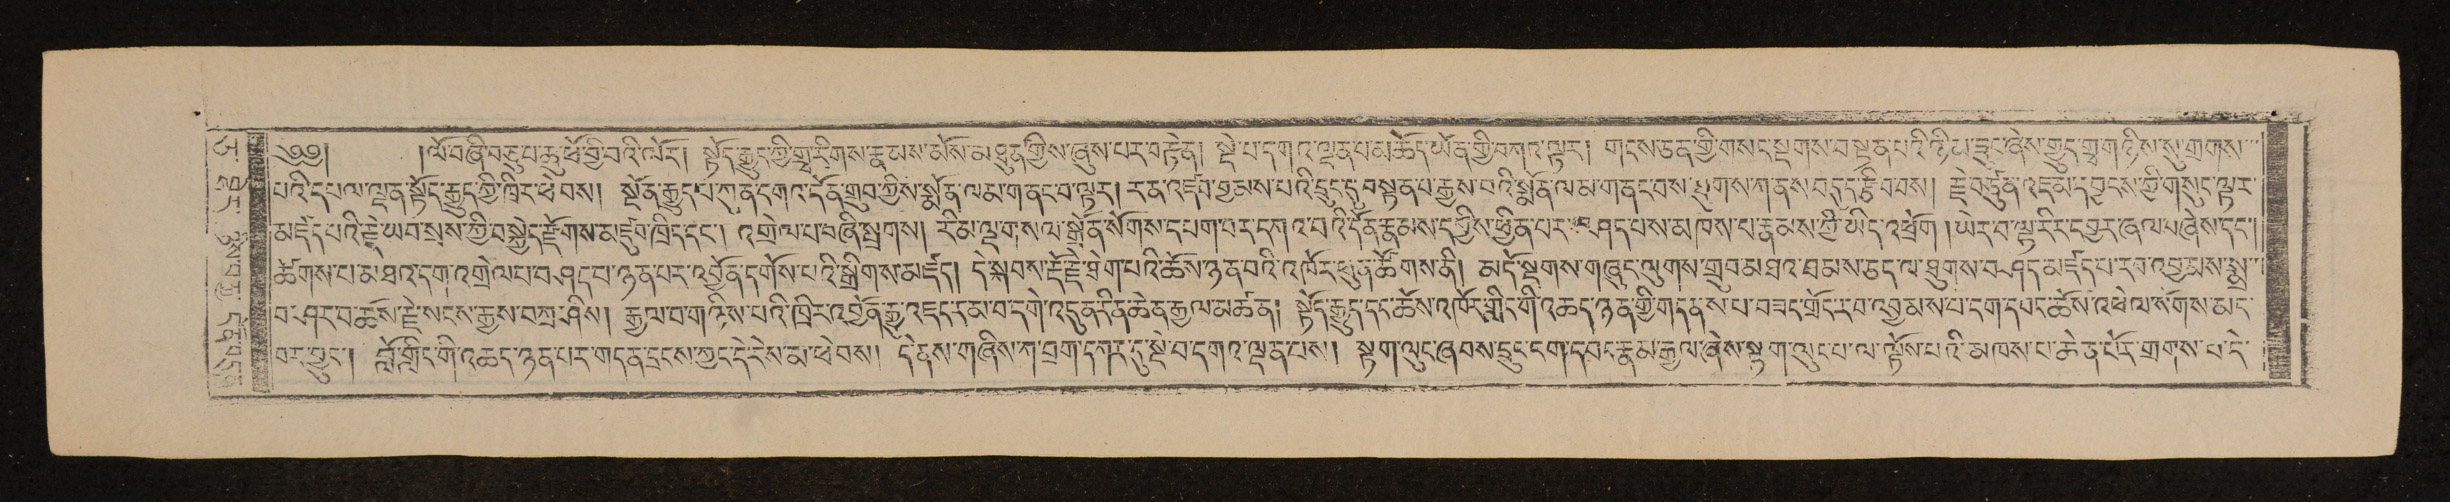༄༅། །ལོ་བཞི་བཅུ་པ་ཆུ་ཕོ་བྱི་བའི་ལོར། སྟོད་རྒྱུད་ཀྱི་གྲྭ་རིགས་རྣམས་མོས་མཐུན་གྱིས་ཞུས་པར་བརྟེན། སྡེབ་དགའ་ལྡན་བ་མཆོད་ཡོན་གྱི་བཀའ་ལྟར། གངས་ཅན་གྱི་གསང་སྔགས་བསྟན་པའི་ཉི་མ་ཟུང་ཞེས་རྒྱུད་གྲྭ་གཉིས་སུ་གྲགས་
པའི་དཔལ་ལྡན་སྟོད་རྒྱུད་ཀྱི་ཁྲིར་ཕེབས། སྔོན་རྒྱུད་བ་ཀུན་དགའ་དོན་གྲུབ་ཀྱིས་སྨོན་ལམ་གནང་བ་ལྟར། རན་འཛབ་བྱམས་པའི་དྲུང་དུ་བསྟན་པ་རྒྱས་པའི་སྨོན་ལམ་གནང་བས་ཐུགས་ཀ་ནས་བདུད་རྩི་བབས། རྗེ་བཙུན་འཇམ་དབྱངས་ཀྱི་གསུང་ལྟར་
མཛད་པའི་རྗེ་ཡབ་སྲས་ཀྱི་བསྐྱེད་རྫོགས་མཛུབ་ཁྲིད་དང་། འགྲེལ་བ་བཞི་སྦྲགས། རིམ་ལྔ་གསལ་སྒྲོན་སོགས་དཔག་པར་དཀའ་བའི་དོན་རྣམས་དབྱིས་ཕྱིན་པར་བཤད་པས་མཁས་པ་རྣམས་ཀྱི་ཡིད་འཕྲོག །ཡེར་བ་ལྷ་རི་ར་དབྱར་ཞལ་བཞེས་དང་།
ཚོགས་པ་མཐའ་དག་འགྲེལ་བ་བཤད་པ་ཉན་བར་འབྱོན་དགོས་པའི་སྒྲིགས་མཛད། དེ་སྐབས་རྡོ་རྗེ་ཐེག་པའི་ཆོས་ཉན་པའི་འཁོར་ཕུན་ཚོགས་ནི། མདོ་སྔགས་གཞུང་ལུགས་གྲུབ་མཐའ་ཐམས་ཅད་ལ་ཐུགས་བཤད་མཛད་པ་རབ་འབྱམས་སྨྲ་
བཤར་བ་ཆོས་རྗེ་སངས་རྒྱས་བཀྲ་ཤིས། རྒྱལ་བ་གཉིས་པའི་ཁྲིར་འབྱོན་རྒྱུ་འཇང་རམ་པ་དགེ་འདུན་རིན་ཆེན་རྒྱལ་མཚན། སྟོད་རྒྱུད་དང་ཆོས་འཁོར་གླིང་གི་འཆད་ཉན་གྱི་གདན་ས་པ་བཟང་གྲོང་རབ་འབྱམས་པ་ངག་དབང་ཆོས་འཕེལ་སོགས་མང་
བར་བྱུང་། བློ་གླིང་གི་འཆད་ཉན་པར་གདན་དྲངས་ཀྱང་དེ་རེས་མ་ཕེབས། དེ་ནས་གཞིས་ཀ་བྲག་དཀར་དུ་སྡེ་པ་དགའ་ལྡན་པས། སྟག་ལུང་ཞབས་དྲུང་ངག་དབང་རྣམ་རྒྱལ་ཞེས་སྟག་ལུང་བ་ལ་ལྟོས་པའི་མཁས་པ་ཆེན་པོར་གྲགས་པ་དེ་